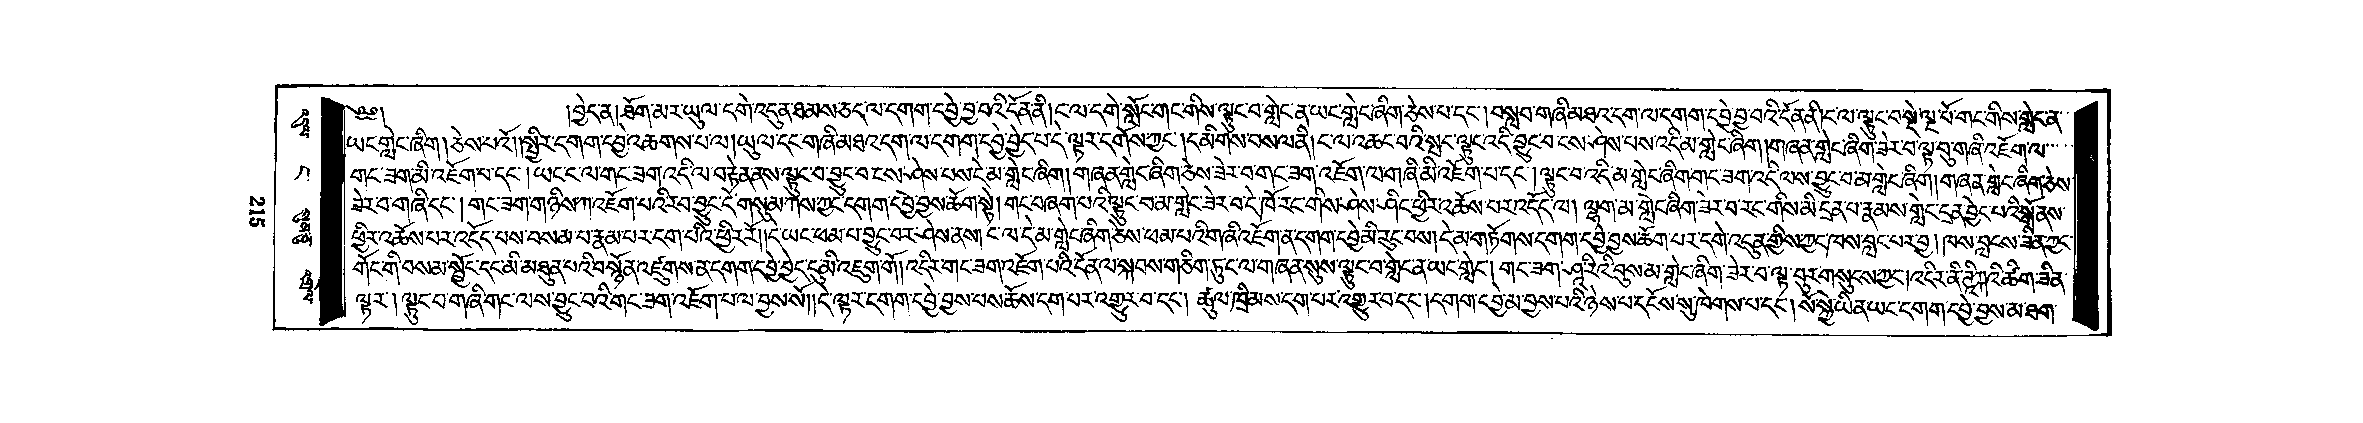༄༅། །བྱེད་ན། ཐོག་མར་ཡུལ་དགེ་འདུན་ཐམས་ཅད་ལ་དགག་དབྱེ་བྱ་བའི་དོན་ནི། ང་ལ་དགེ་སློང་གང་གིས་ལྟུང་བ་གླེང་ན་ཡང་གླེང་ཞིག་ཅེས་པ་དང་། བསླབ་གཞི་མཐའ་དག་ལ་དགག་དབྱེ་བྱ་བའི་དོན་ནི། ང་ལ་ལྟུང་བ་སྡེ་ལྔ་པོ་གང་གིས་གླེང་ན་
ཡང་གླེང་ཞིག །ཅེས་པའོ། །སྤྱིར་དགག་དབྱེ་འཆགས་པ་ལ། ཡུལ་དང་གཞི་མཐའ་དག་ལ་དགག་དབྱེ་བྱེད་པ་དེ་ལྟར་དགོས་ཀྱང་། དམིགས་བསལ་ནི། ང་ལ་འཆང་བའི་སྤང་ལྟུང་འདི་བྱུང་བ་ངས་ཤེས་པས་འདི་མ་གླེང་ཞིག །གཞན་གླེང་ཞིག་ཟེར་བ་ལྟ་བུ་གཞི་འཇོག་ལ་
གང་ཟག་མི་འཇོག་པ་དང་། ཡང་ང་ལ་གང་ཟག་འདི་ལ་བརྟེན་ནས་ལྟུང་བ་བྱུང་བ་ངས་ཤེས་པས་དེ་མ་གླེང་ཞིག །གཞན་གླེང་ཞིག་ཅེས་ཟེར་བ་གང་ཟག་འཇོག་ལ་གཞི་མི་འཇོག་པ་དང་། ལྟུང་འདི་མ་གླེང་ཞིག་གང་ཟག་འདི་ལས་བྱུང་བ་མ་གླེང་ཞིག །གཞན་གླེང་ཞིག་ཅེས་
ཟེར་བ་གཞི་དང་། གང་ཟག་གཉིས་ཀ་འཇོག་པའི་རབ་བྱུང་དེ་གསུམ་ཀས་ཀྱང་དགག་དབྱེ་བྱས་ཆོག་སྟེ། གང་བཞག་པའི་ལྟུང་བ་མ་གླེང་ཟེར་བ་དེ་ཁོ་རང་གིས་ཤེས་ཤིང་ཕྱིར་འཆོས་པར་འདོད་ལ། ལྷག་མ་གླེང་ཞིག་ཟེར་བ་རང་གིས་མི་དྲན་པ་རྣམས་གླེང་དྲན་བྱེད་པའི་སྒོ་ནས་
ཕྱིར་འཆོས་པར་འདོད་པས་བསམ་པ་རྣམ་པར་དག་པའི་ཕྱིར་རོ། །དེ་ཡང་ཕམ་པ་བྱུང་བར་ཤེས་ནས། ང་ལ་དེ་མ་གླེང་ཞིག་ཅེས་ཕམ་པའི་གཞི་འཇོག་ན་དགག་དབྱེ་མི་རུང་བས། དེ་མ་གཏོགས་དགག་དབྱེ་བྱས་ཆོག་པར་དགེ་འདུན་གྱིས་ཀྱང་ཁས་བླང་པར་བྱ། ཁས་བླངས་ཟིན་ཀྱང་
གོང་གི་བསམ་སྦྱོང་དང་མི་མཐུན་པའི་བསྙོན་འཛུགས་ན་དགག་དབྱེ་བྱེད་དུ་མི་འཇུག་གོ །འདིར་གང་ཟག་འཇོག་པའི་དོན་ལ་སྐབས་གཅིག་ཏུ་ང་ལ་གཞན་སུས་ལྟུང་བ་གླེང་ན་ཡང་གླེང་། གང་ཟག་ཤཱ་རིའི་བུས་མ་གླེང་ཞིག་ཟེར་བ་ལྟ་བུར་གསུངས་ཀྱང་། འདིར་ནི་ཊཱིཀྐའི་ཚིག་ཟིན་
ལྟར། ལྟུང་བ་གཞི་གང་ལས་བྱུང་བའི་གང་ཟག་འཇོག་པ་ལ་བྱས་སོ། །དེ་ལྟར་དགག་དབྱེ་བྱས་པས་ཆོས་དག་པར་འགྱུར་བ་དང་། ཚུལ་ཁྲིམས་དག་པར་འགྱུར་བ་དང་། དགག་དབྱེ་མ་བྱས་པའི་ཉེས་པ་དངོས་སུ་ཁེགས་པ་དང་། སོ་སྐྱེ་ཡིན་ཡང་དགག་དབྱེ་བྱས་མ་ཐག་